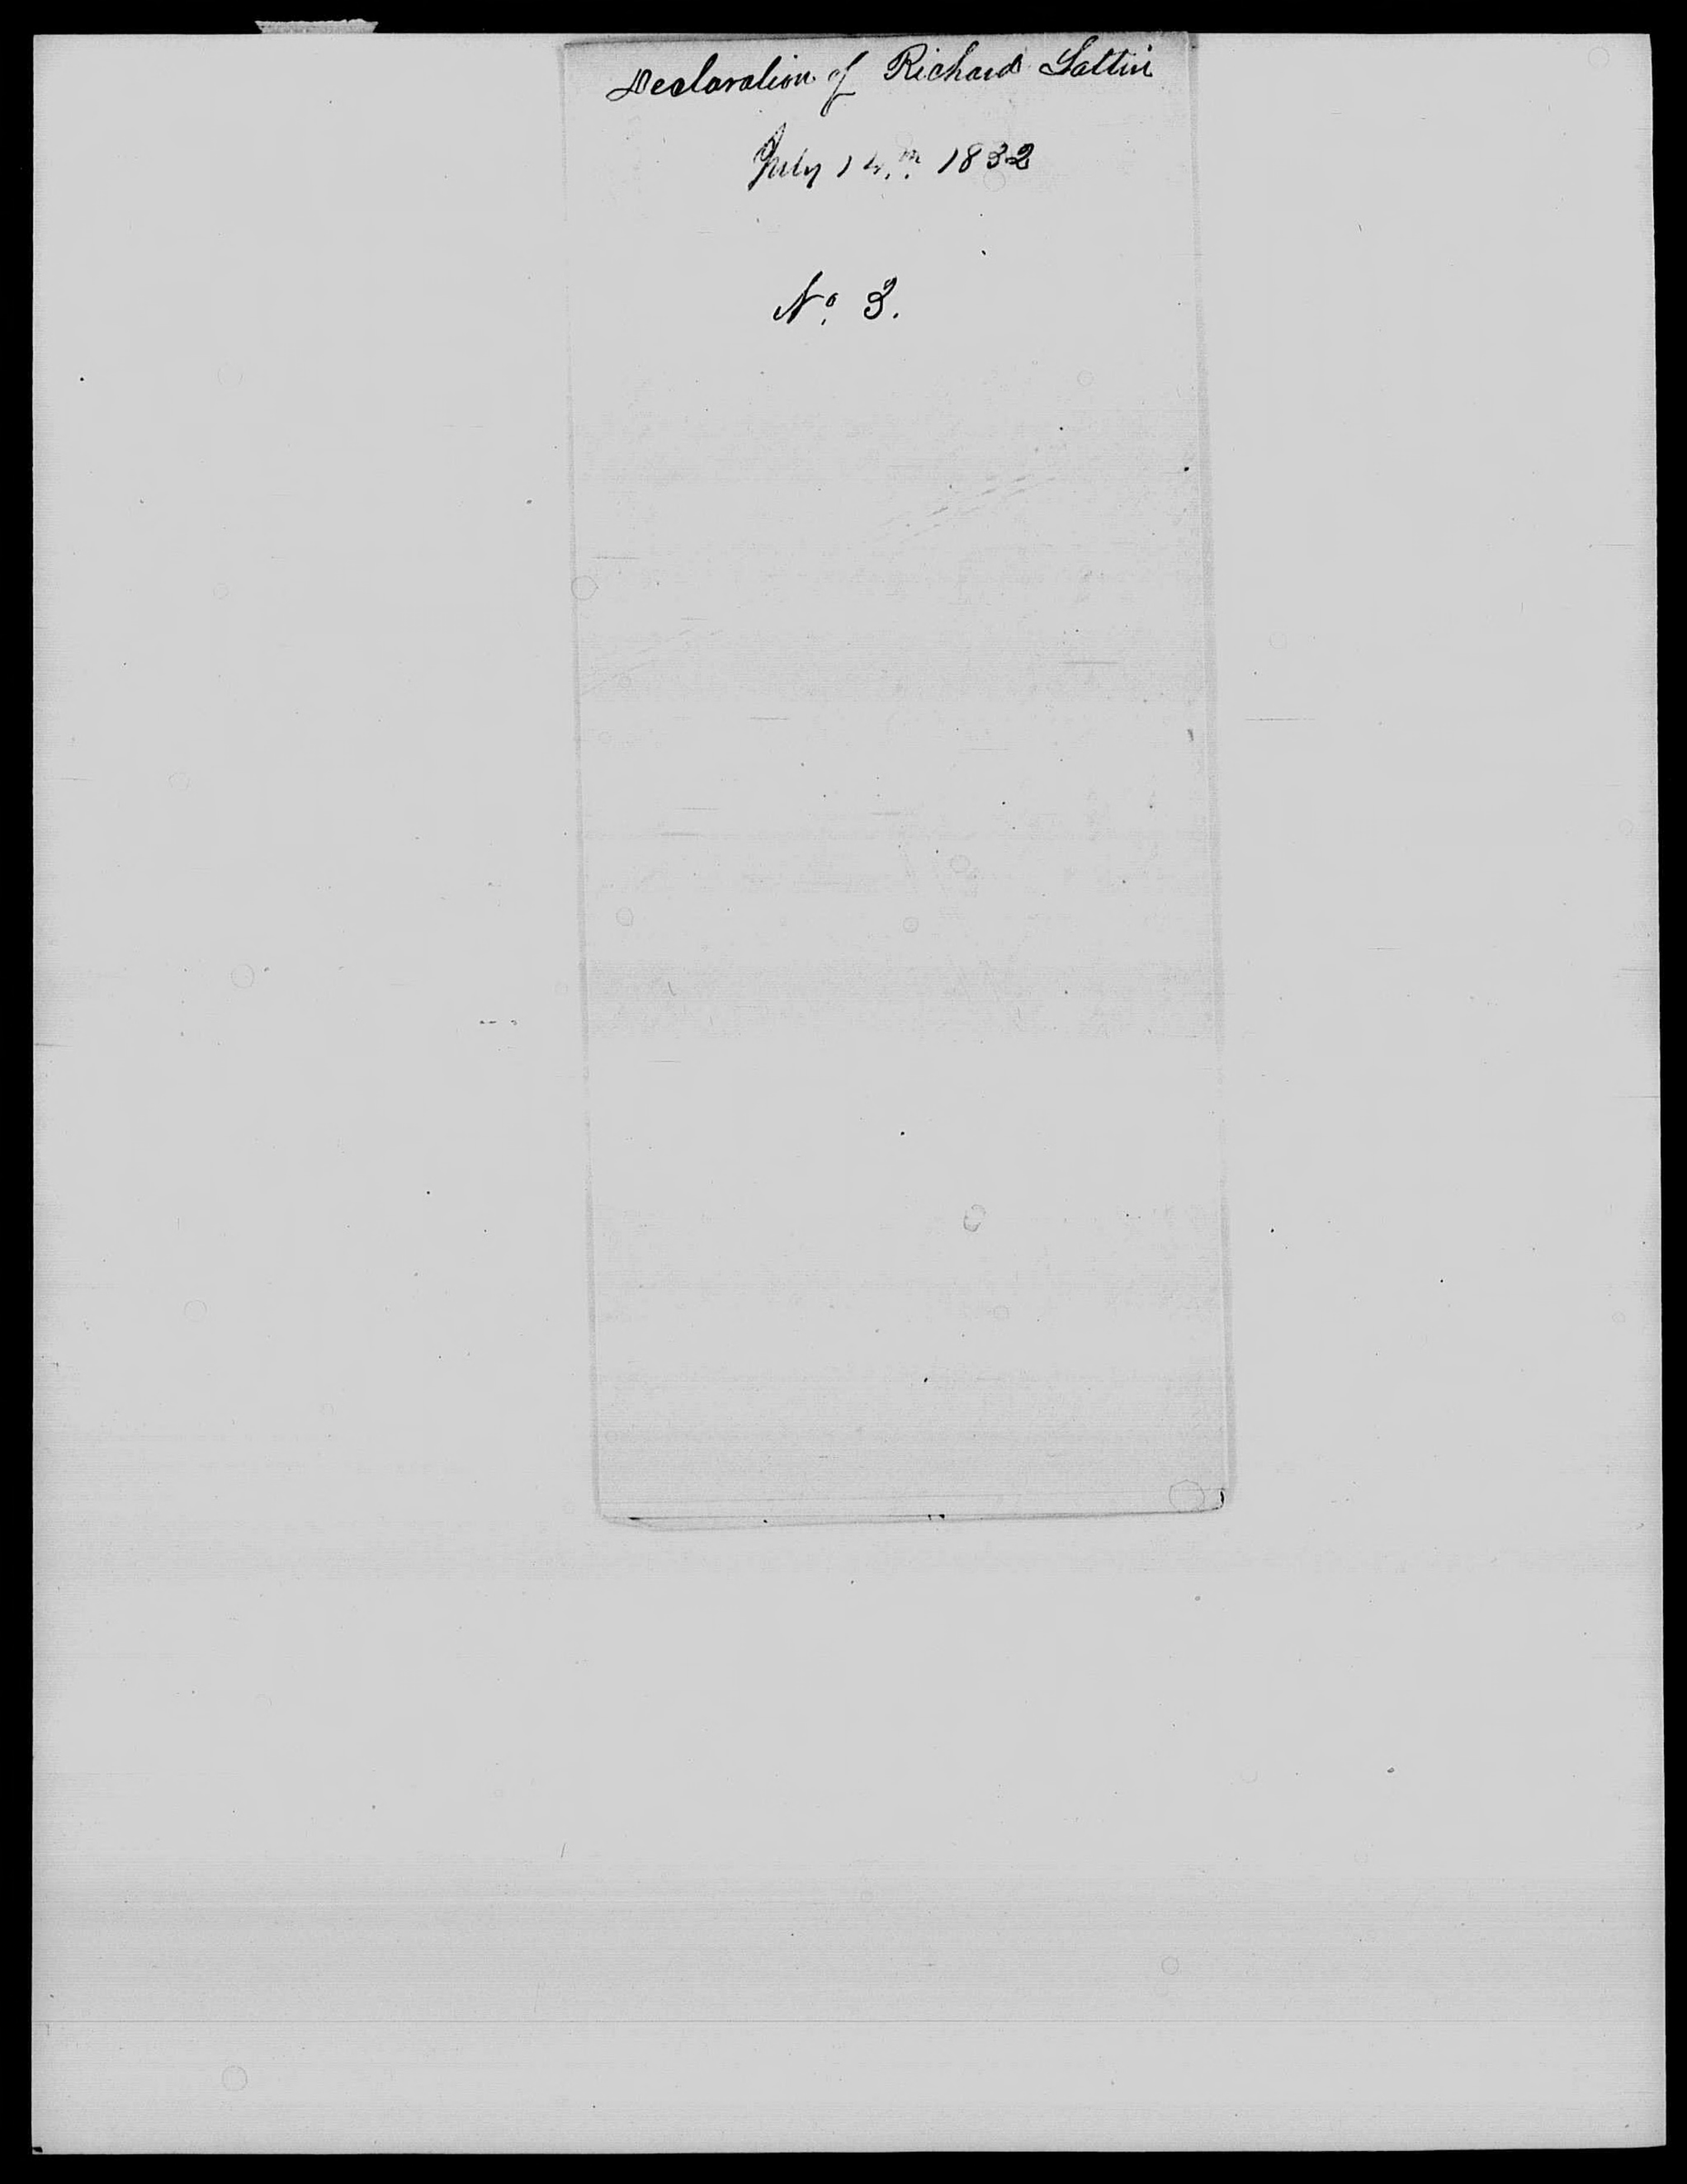Declaration of Richard Lattin
July 14th 1832
---
No 3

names: Richard Lattin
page: 92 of 99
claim: widow's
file: W. 24,482, for Richard Lattin, Vermont